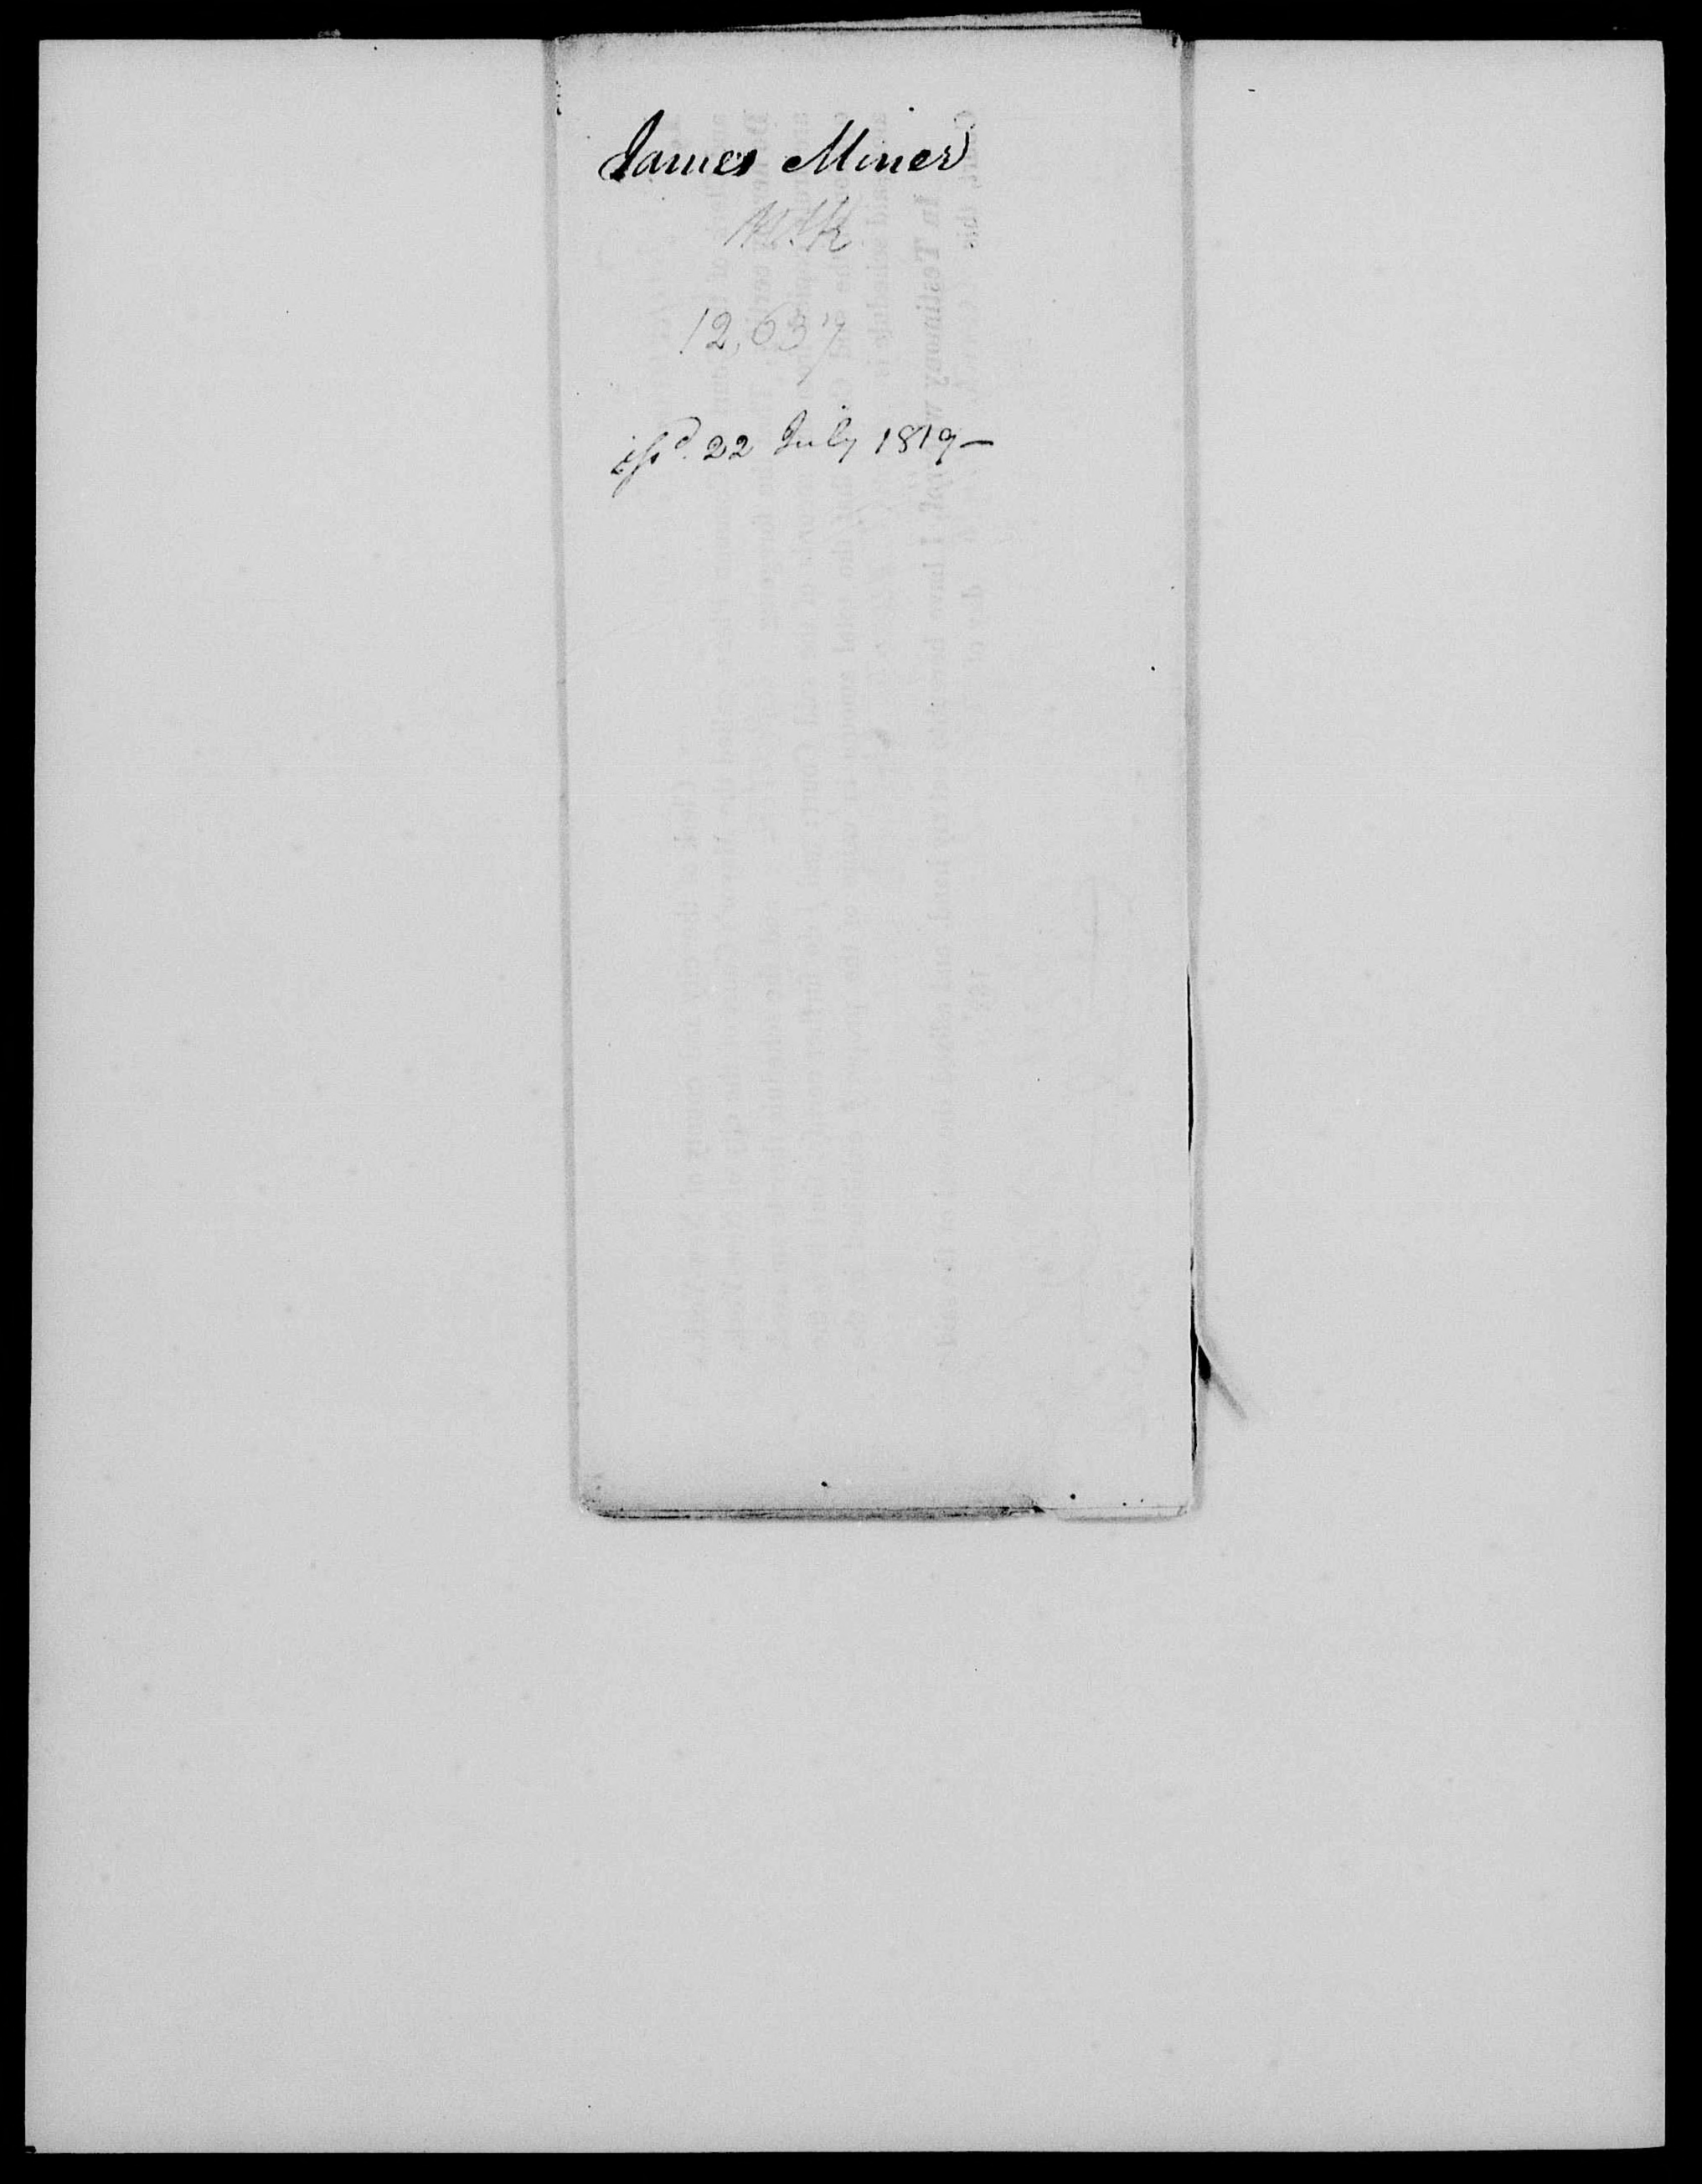James Miner
M.K.
12,639
19
isd. [issued] 22 July 1819-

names: James Miner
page: 4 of 39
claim: survivor's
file: S. 23802, for James Miner, Connecticut